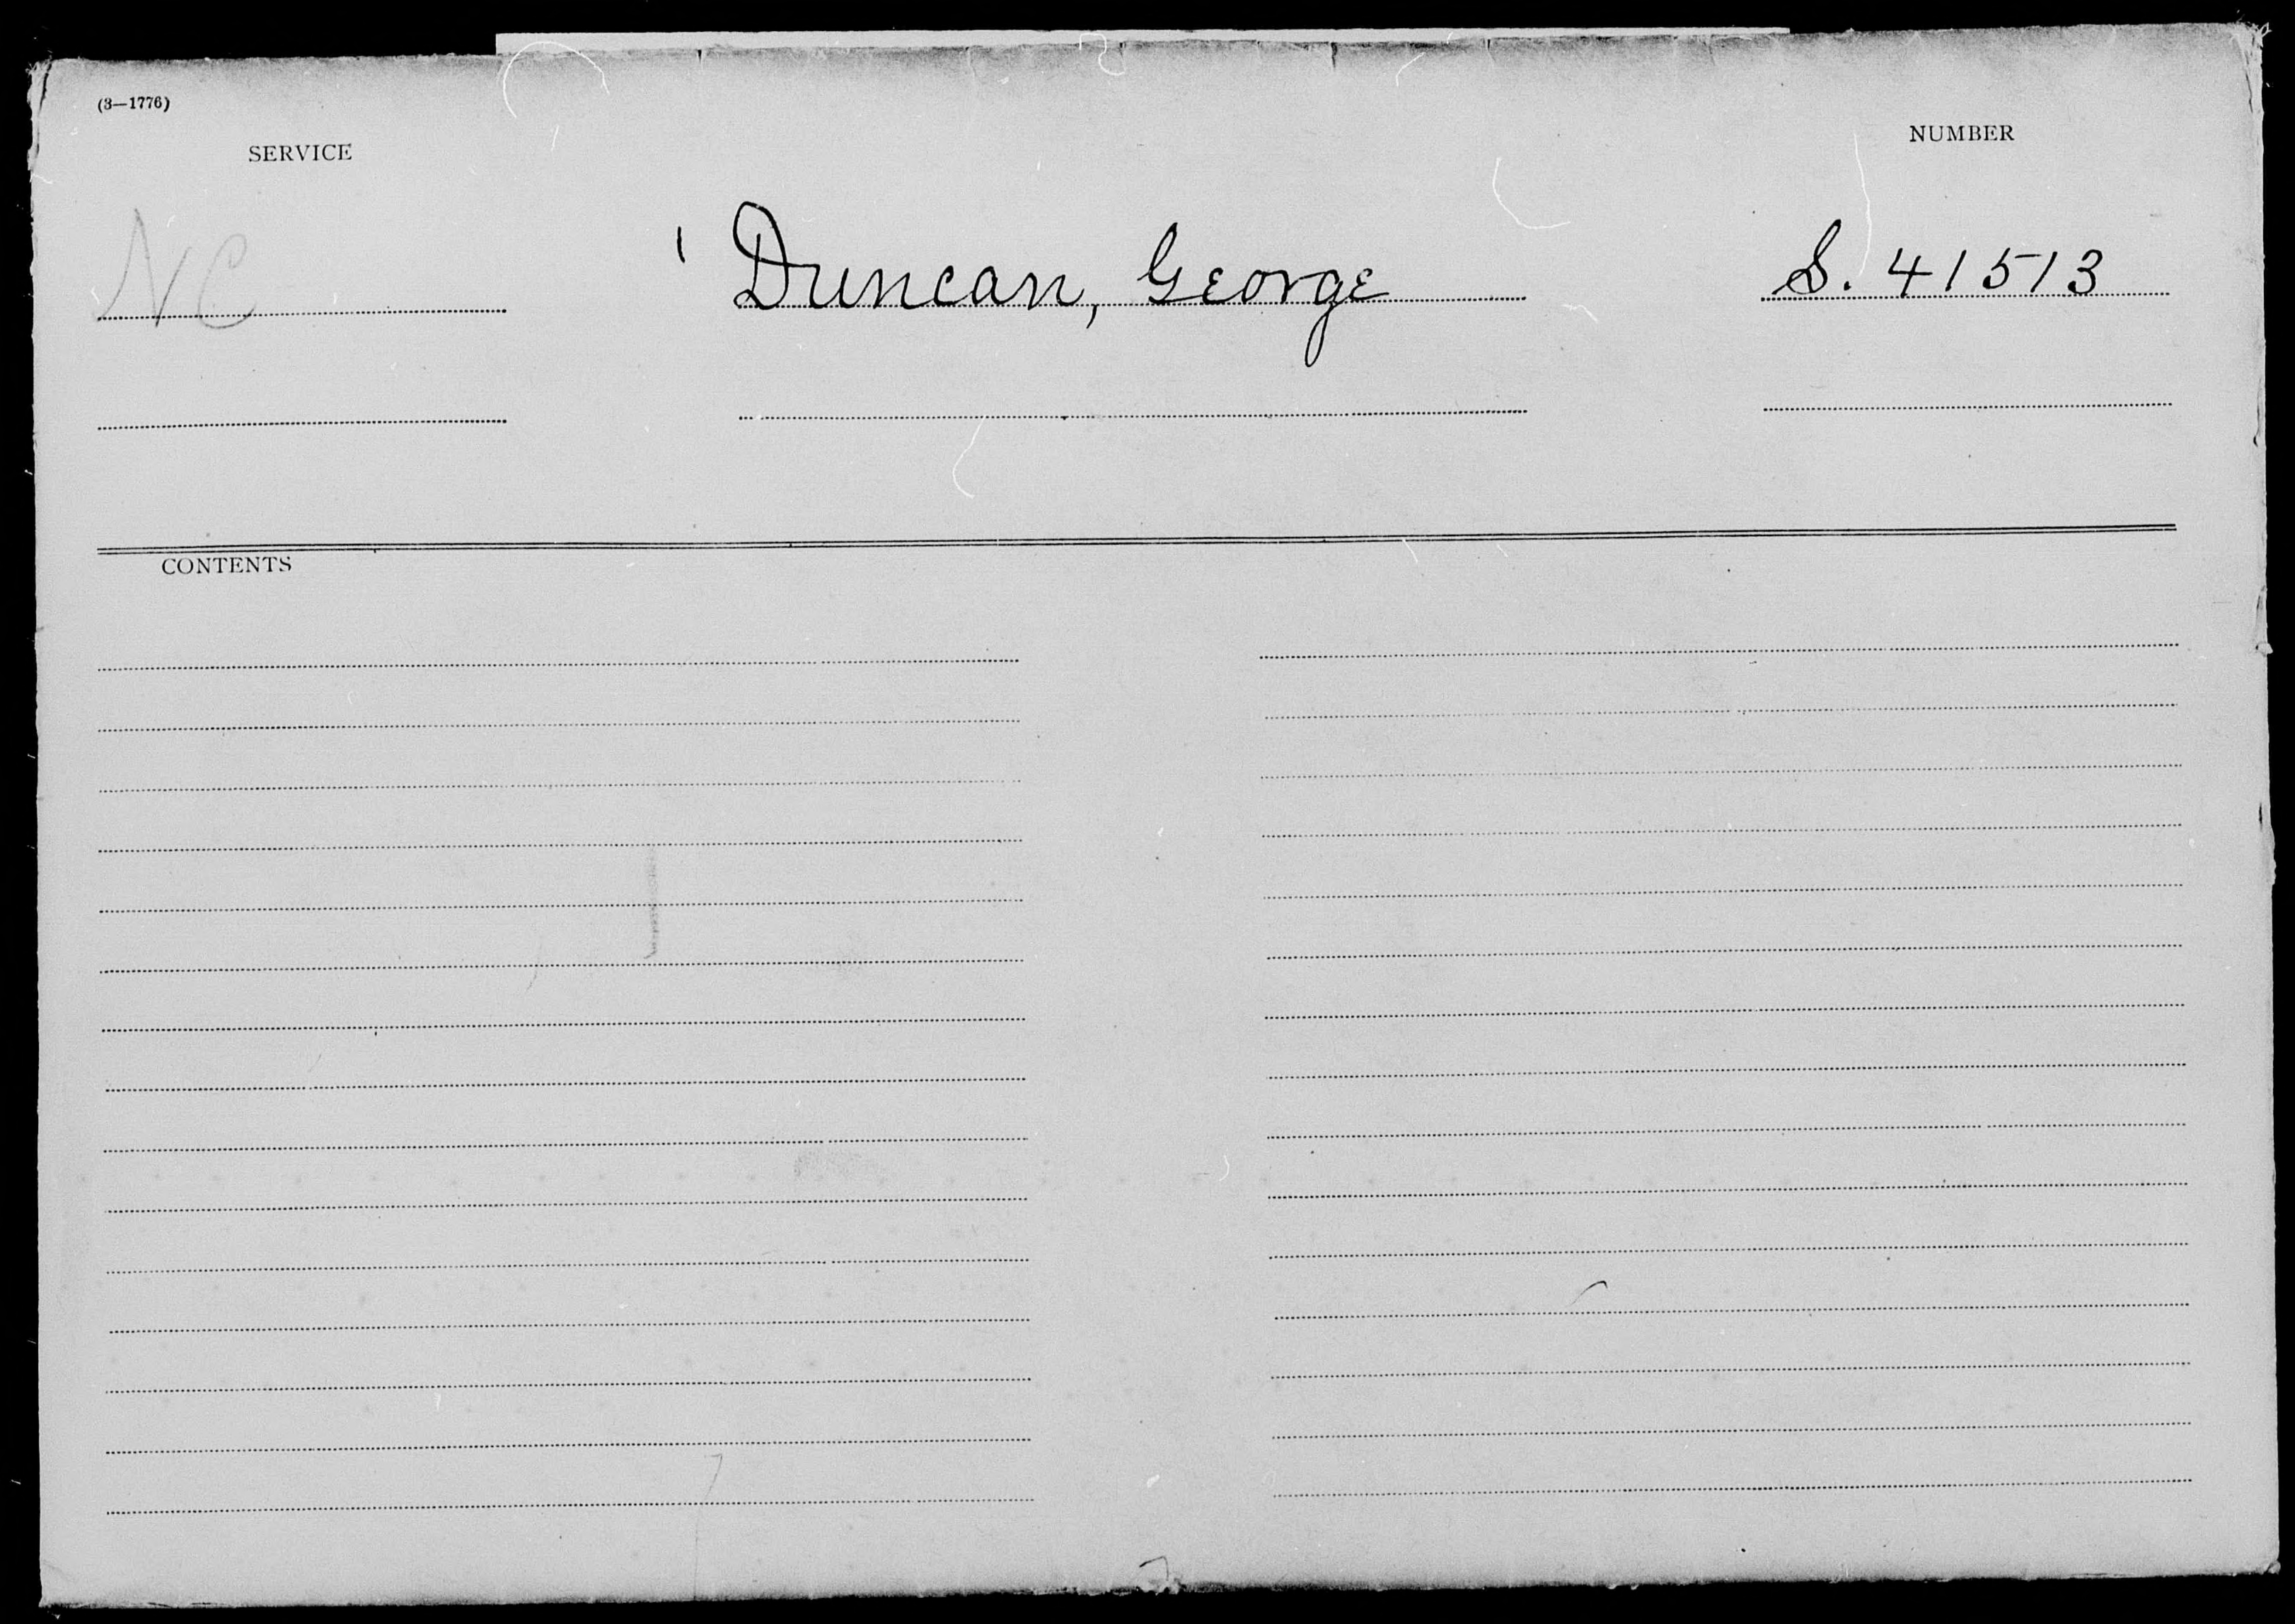Service                                             Number

NC             Duncan, George            S.41513



Contents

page: 1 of 49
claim: survivor's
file: S. 41513, George Duncan, N.C.